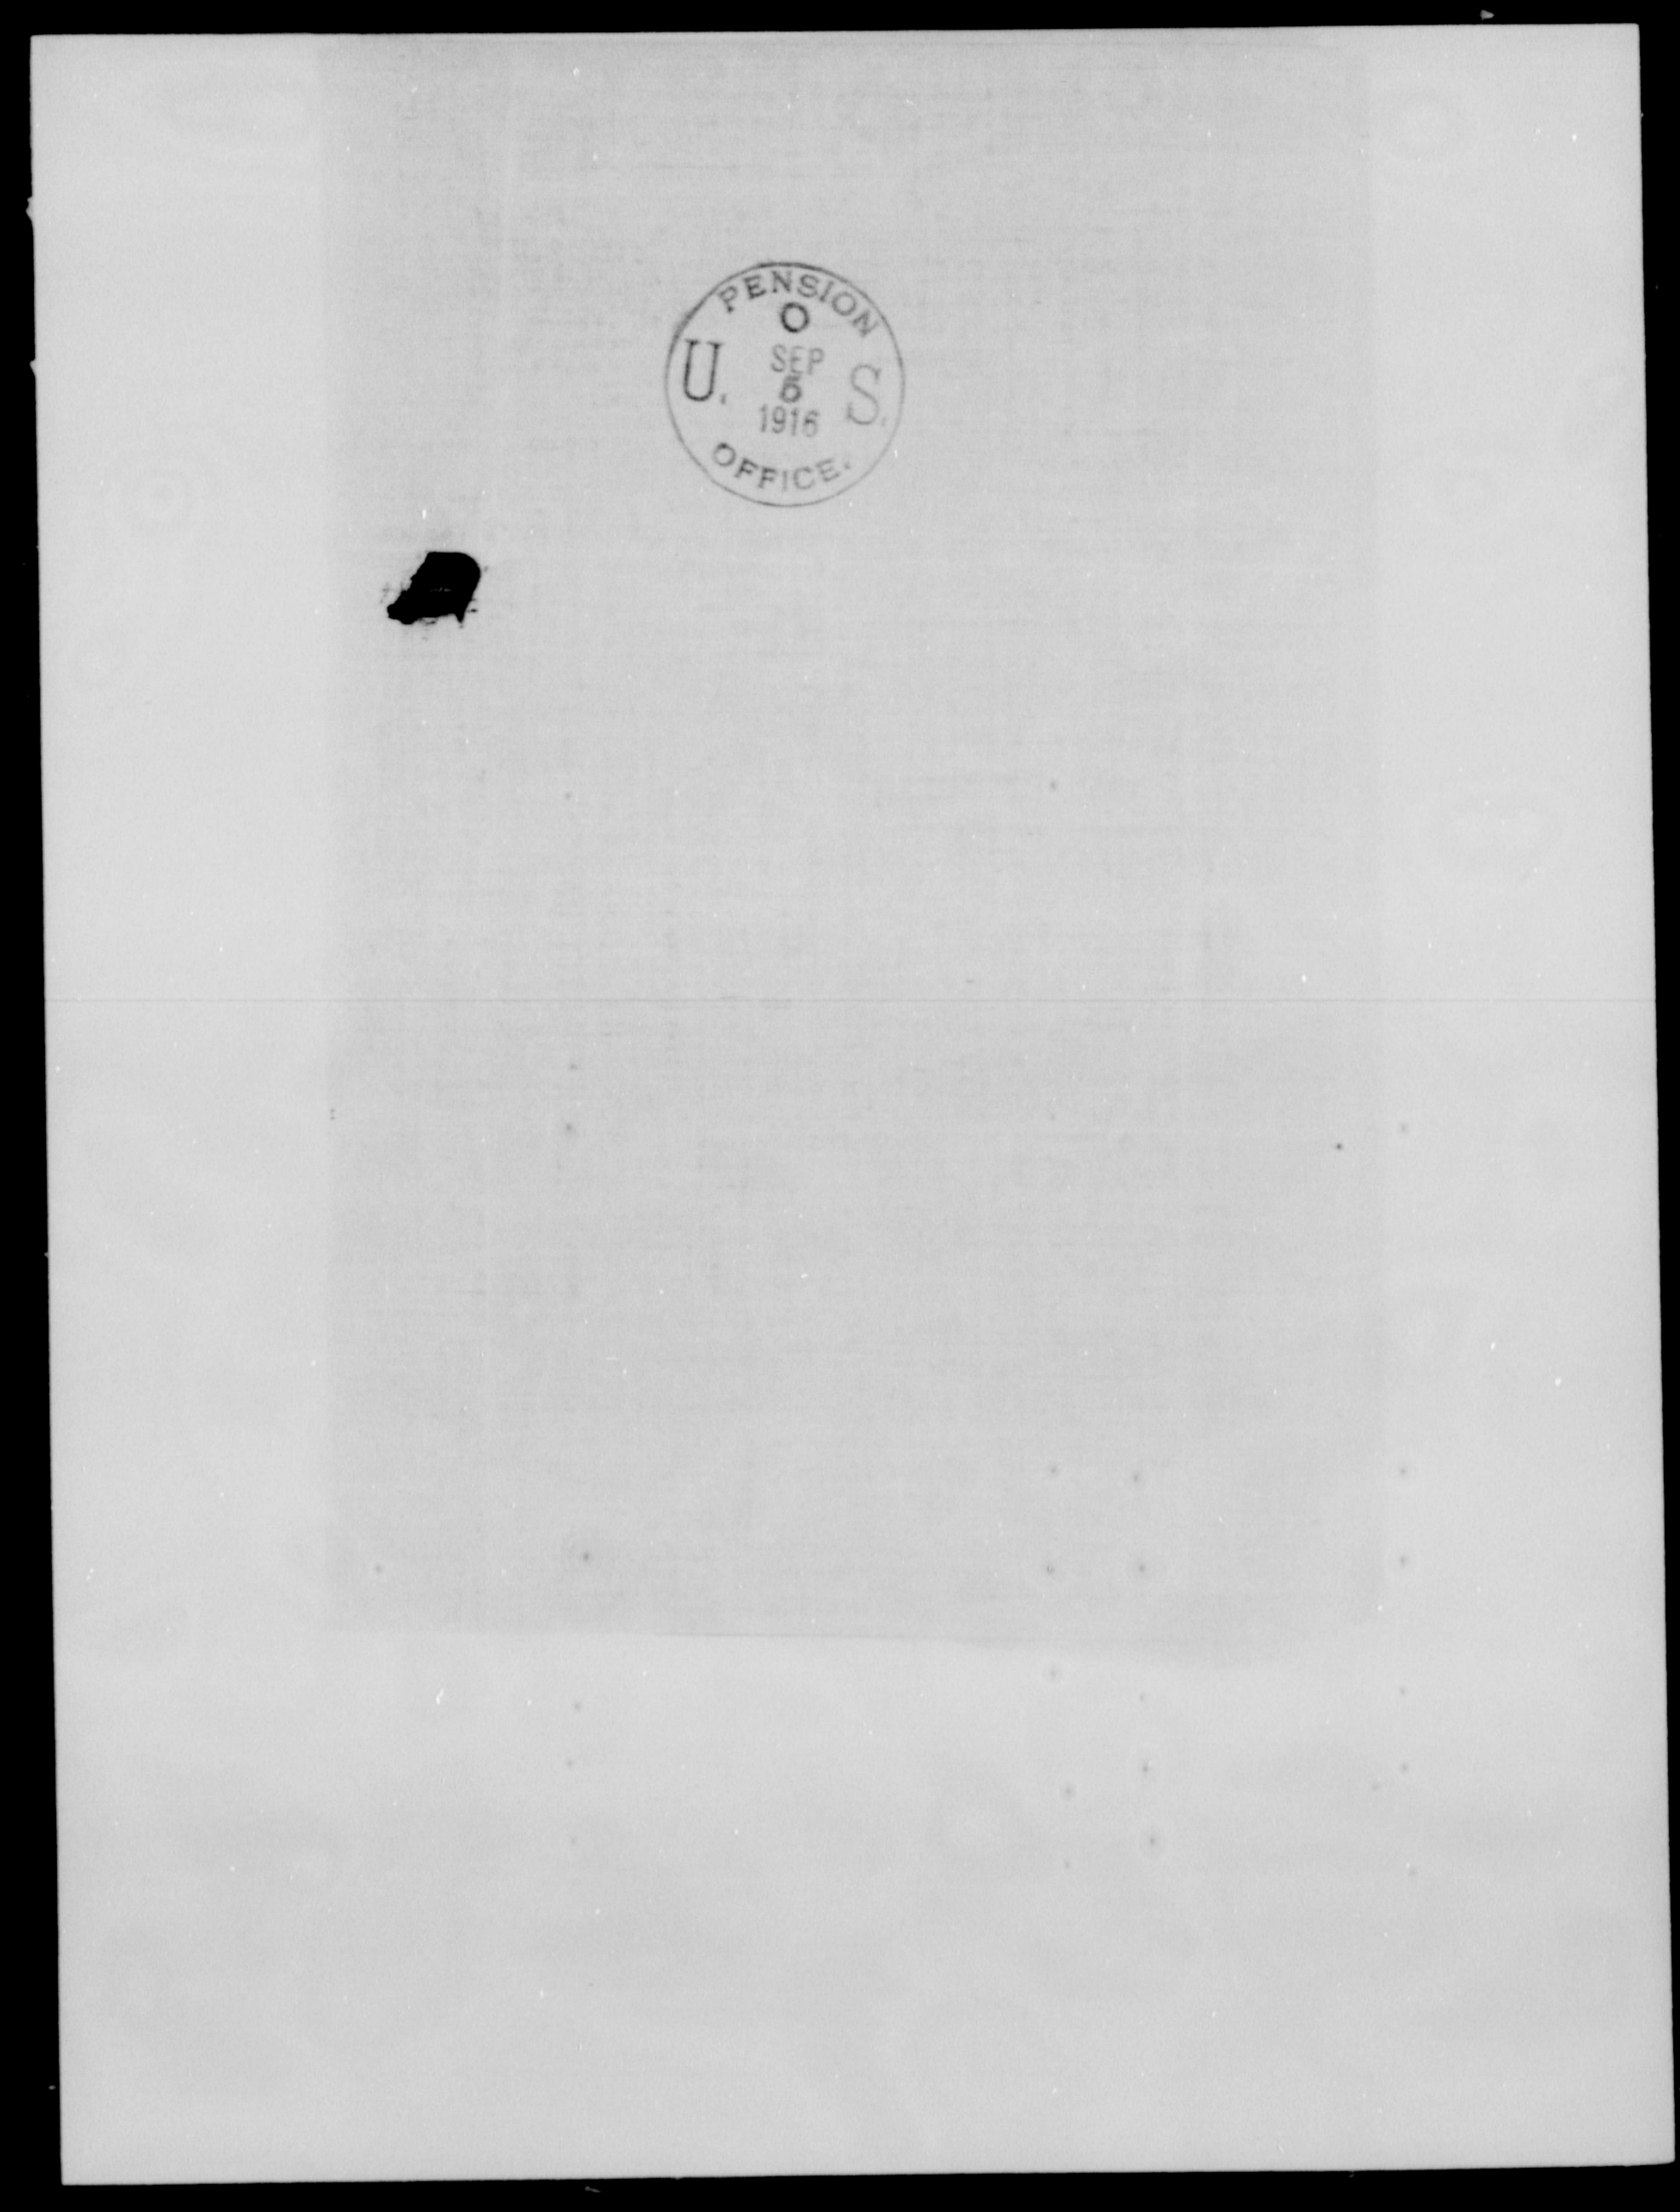Seal of the U S Pension Office
Sep 5 1915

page: 48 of 52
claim: rejected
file: R. 9493, for George Sherman, Vermont